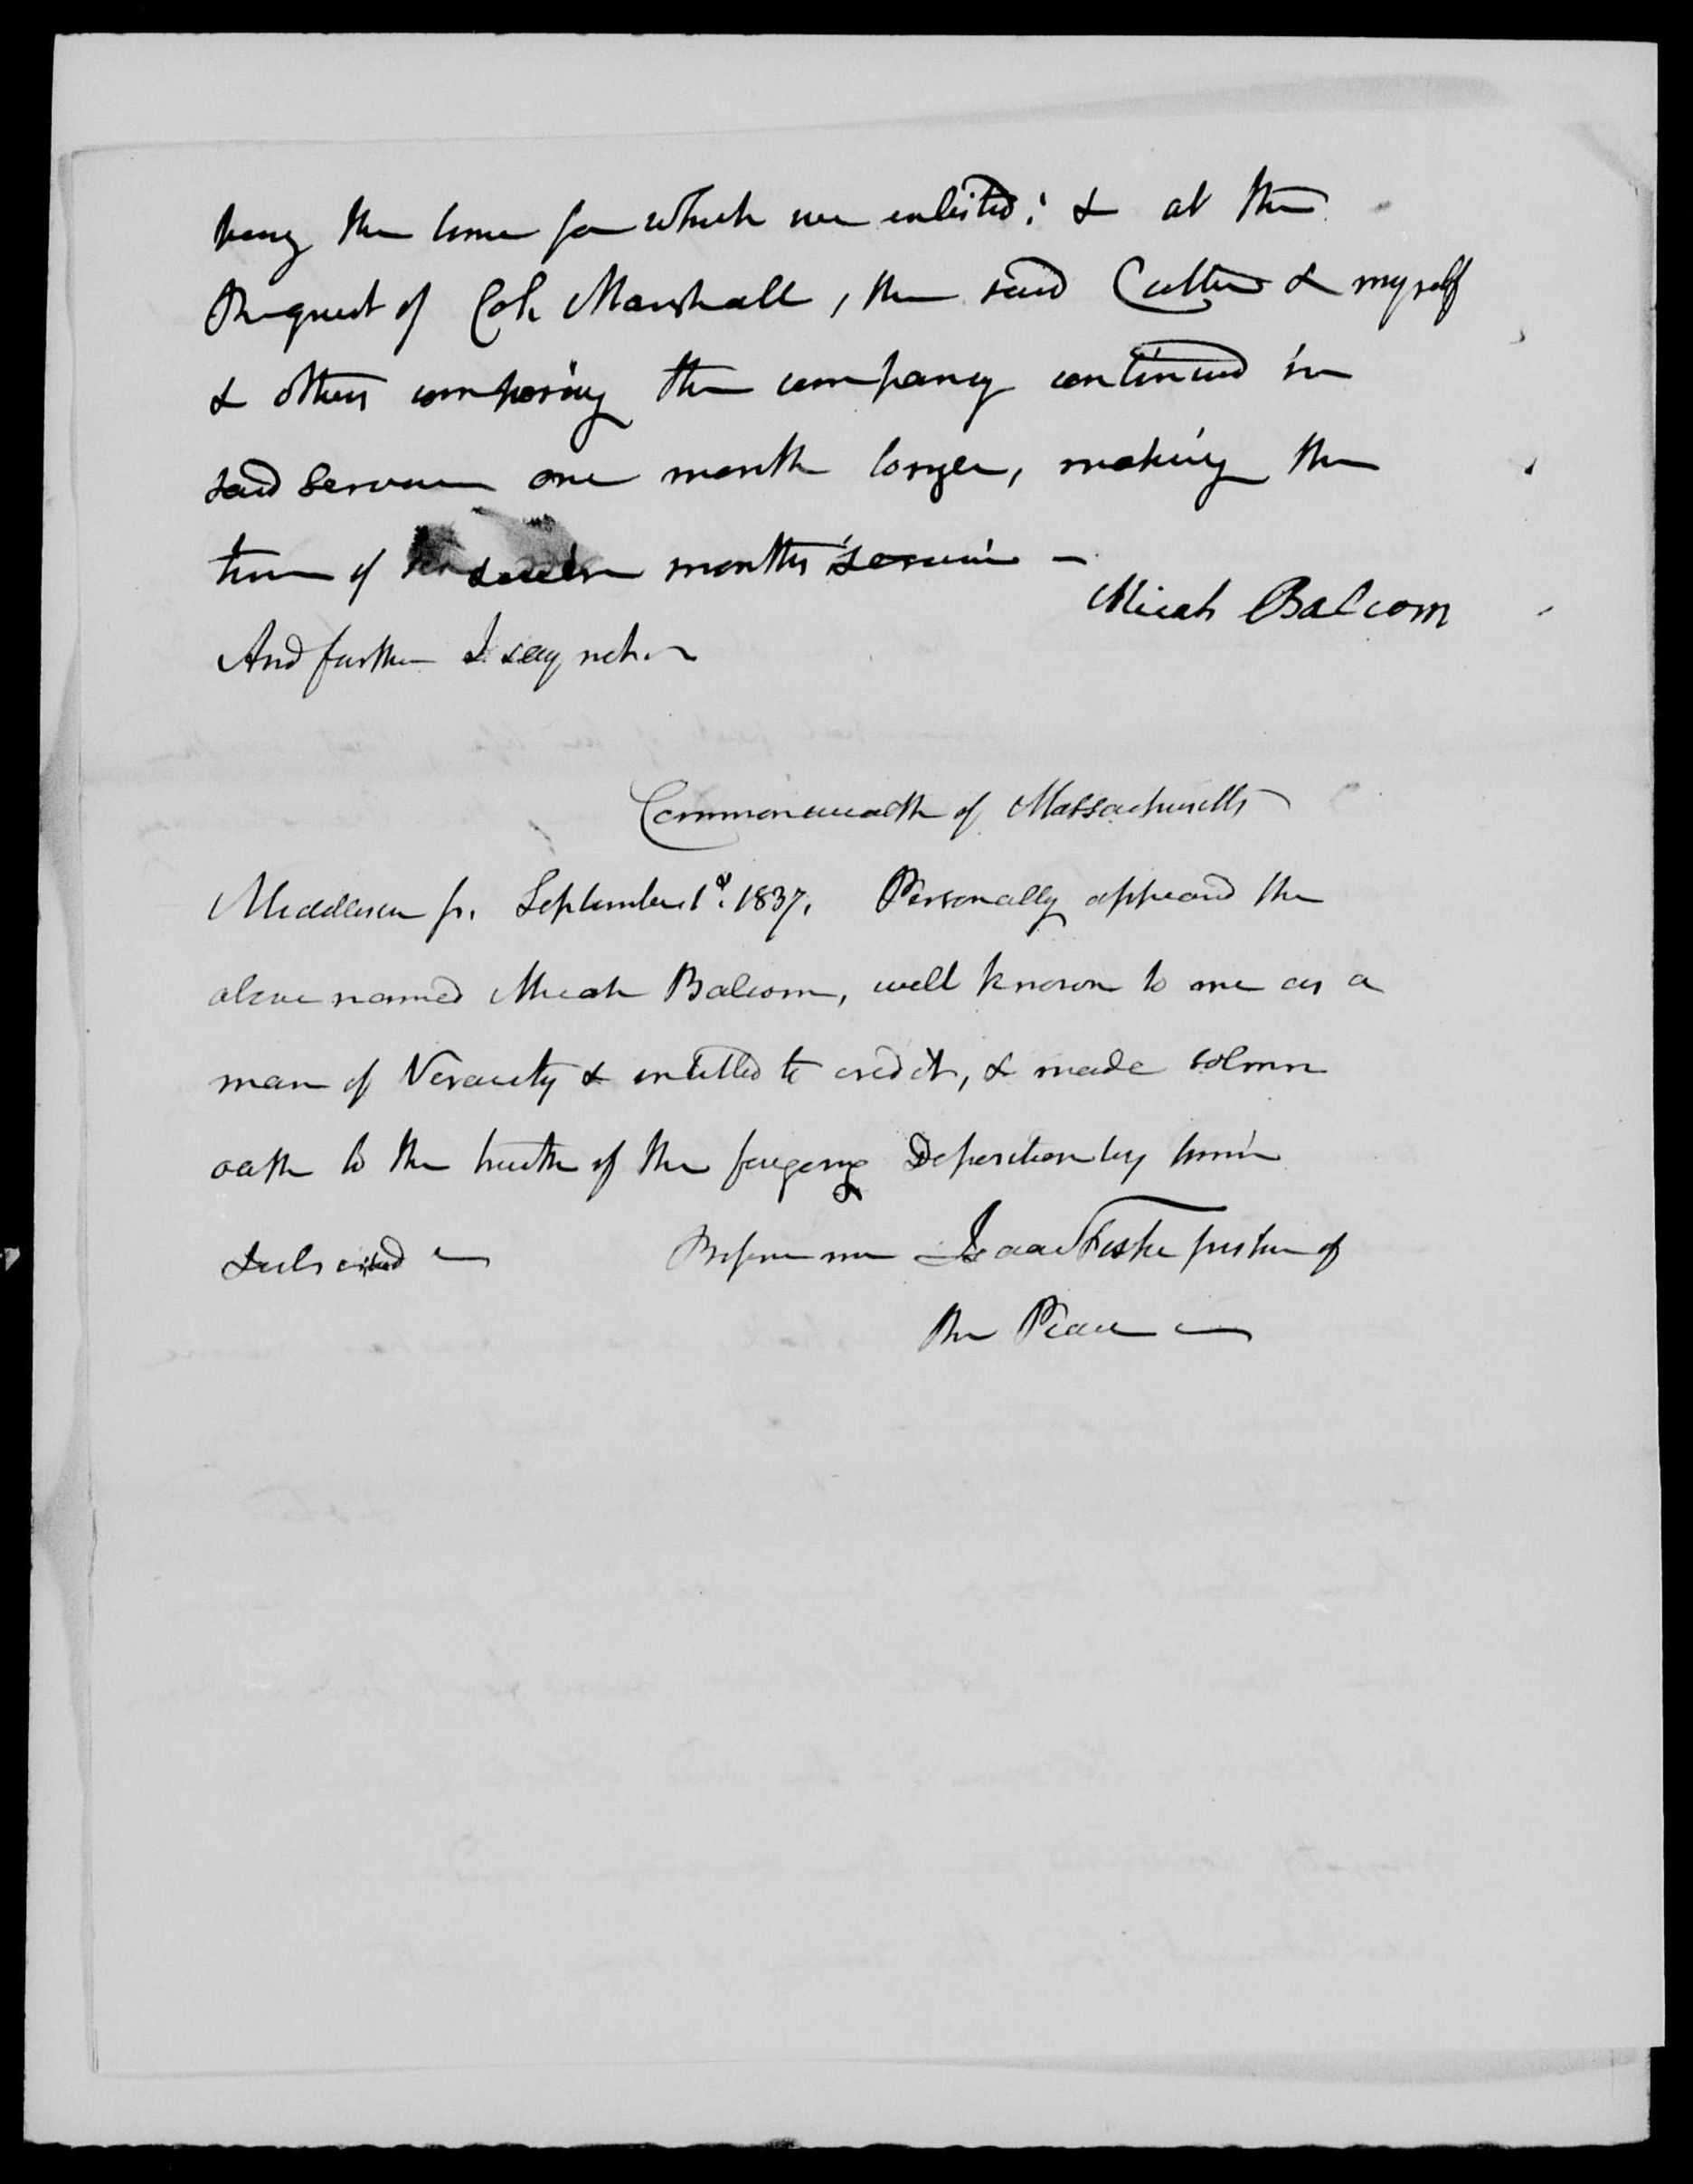[illegible] the time for which he enlisted: and at the request of Col. Marshall, he said Cutler and myself and other composing the company continued in said service one month longer, making the term of [illegible] months service.
Micah Balcom
and further I say such--
Commonwealth of Massachusetts:
Middlesex: September 1st 1837, Personally appeared the above named, Micah Balcom, well known to me as a man of veracity and entitled to credit and made solemn oath to the truth of the foregoing deposition by him subscribed
Before me Isaac Fiske, Justice of the Peace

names: Micah Balcom, Micah Balcom, Cutler, Isaac Fiske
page: 22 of 22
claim: widow's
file: W. 14,552, Abel Cutler, Mass.